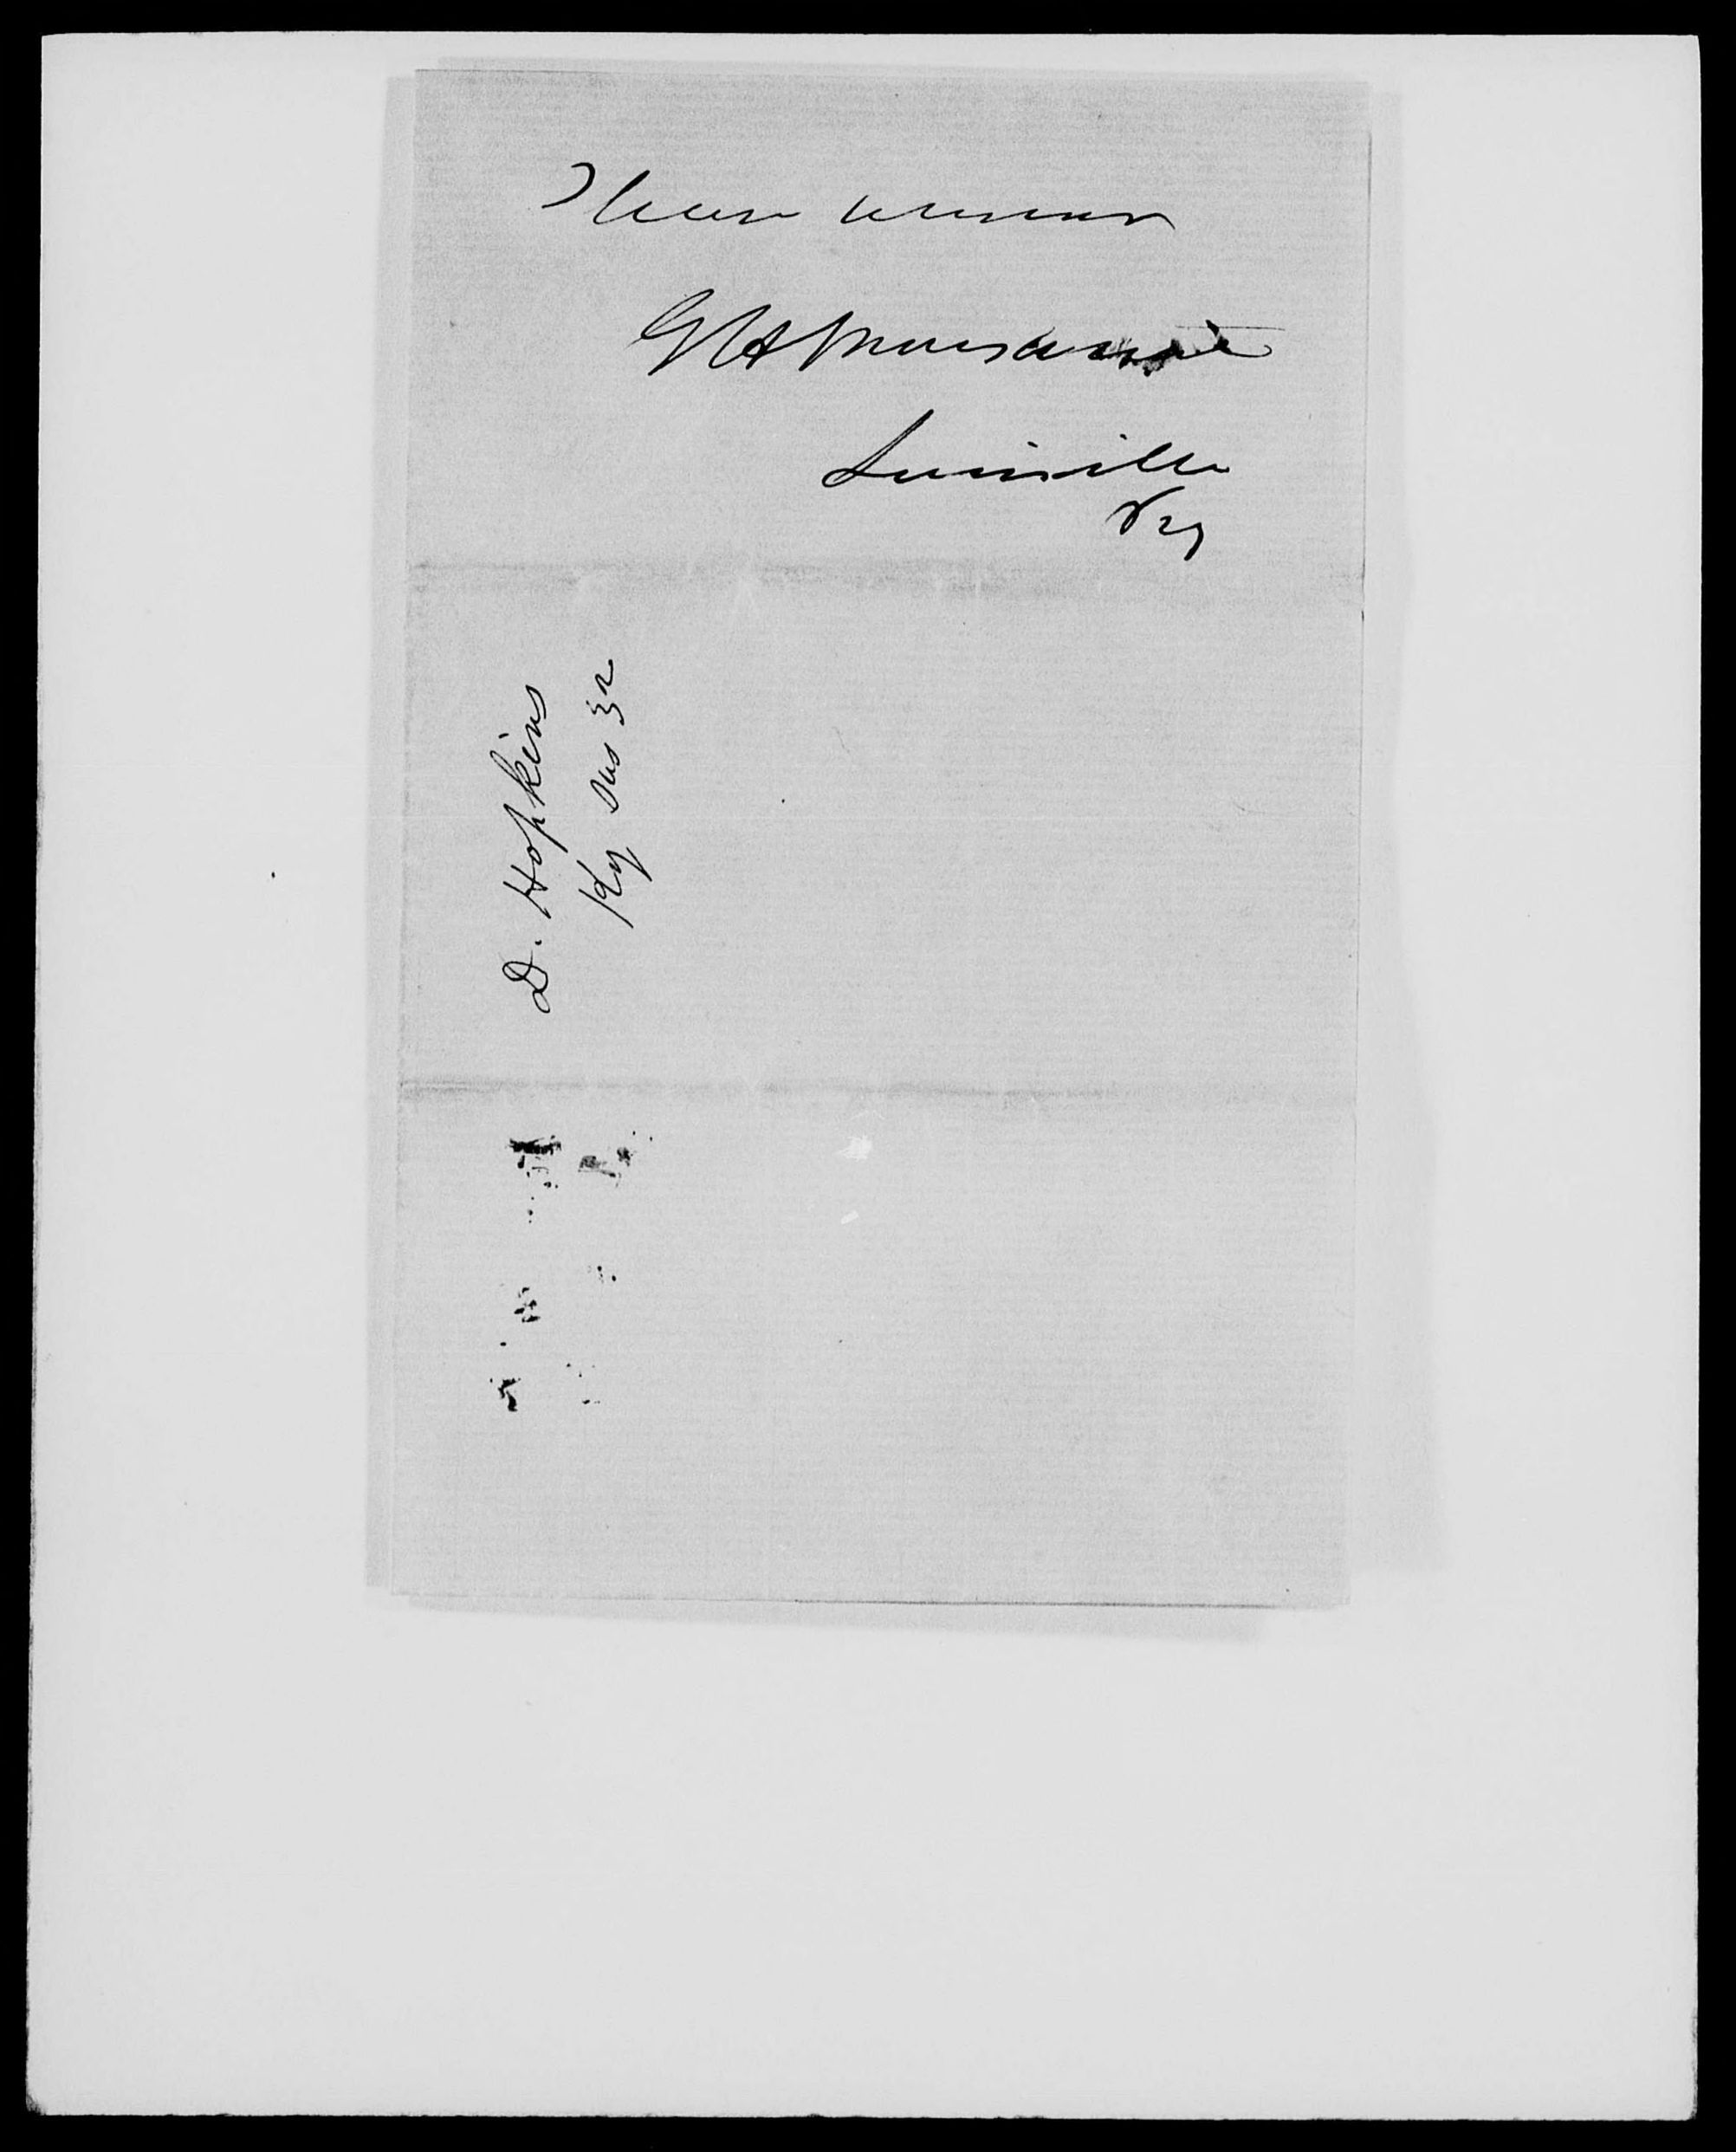Top of page horizontally:

illegible


vertical left side:

D. Hopkins
Ky Sus '32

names: G H Monsarrat, D Hopkins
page: 28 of 144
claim: rejected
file: R. 5208, Dennis Hopkins, N.C.